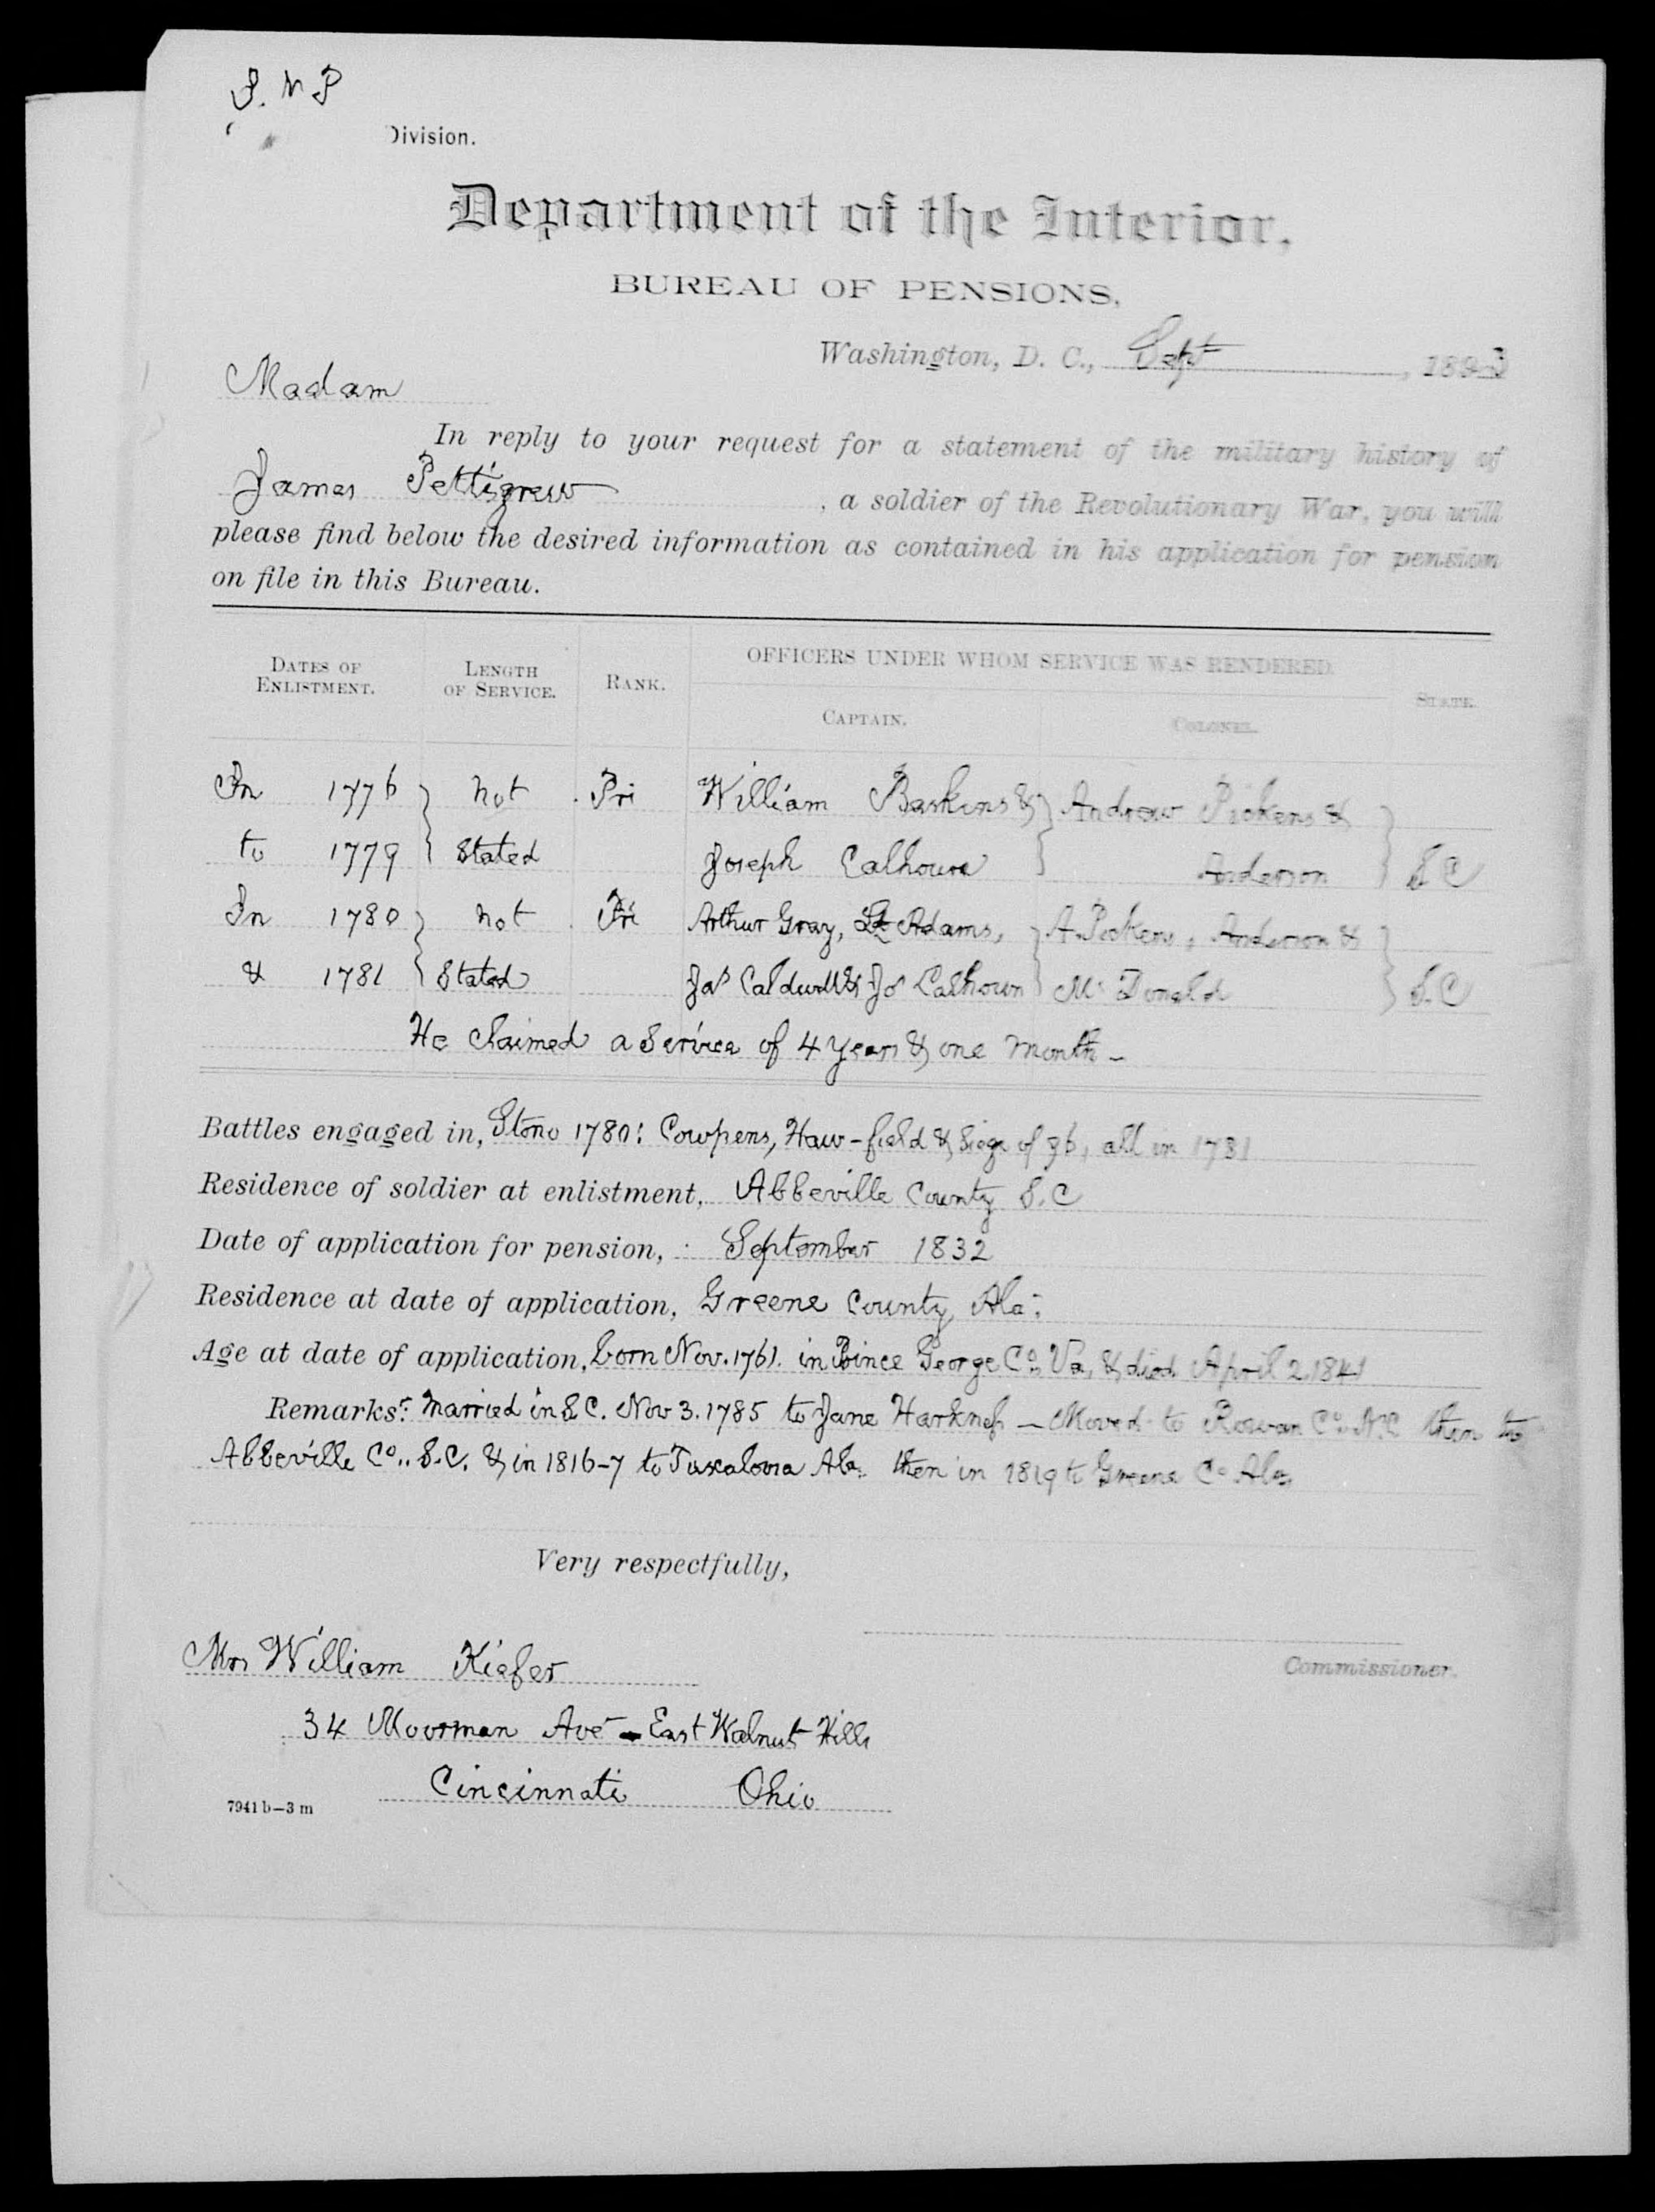Division.             

                                                                   DEPARTMENT OF THE INTERIOR,
                                                                             BUREAU OF PENSIONS.
                                                                                    Washington, D. C.,  Sept      1893

Madam

In reply to your request of for a statement of the military history of
James Pettigrew, a soldier of the REVOLUTIONARY WAR, you will 
please find below the desired information as contained in his application for pension 
on file in this Bureau.

________________________________________________________________________________________________
DATES OF                   LENGTH OF    RANK.       OFFICERS UNDER WHOM                                              STATE.
ENLISTMENT OR        SERVICE.                          SERVICE WAS RENDERED.     
APPOINTMENT.                                                      CAPTAIN.                             COLONEL
________________________________________________________________________________________________
In  1776  }                            not              Pri            William Baskins &  }                 Andrew Pickens & }             
to  1779  }                          stated                               Joseph Calhoun }                           Anderson     }              SC  
In   1780 }                            not 
&    1781 }                         stated          Pri.            Arthur Gray, Lt Adams,     }   A Pickens, Anderson, &}  
                                                                              Jas Caldwell & Jo Calhoun}    Mc Donald                    }         S
He claimed a Service of 4 years & one month - 

________________________________________________________________________________________________

Battles engaged in,  Stono 1780; Cowpens, Haw-field & Siege of gb, all in 1781

Residence of soldier at enlistment,... Abbeville County S. C
Date of application for pension,... September 1832
Residence at date of application,...Greene County Ala.
Age at date of application,... Born Nov. 1761 in Prince George Co. Va & Died Apr. 2.  1841 

Remarks 
 Married in S.C. Nov 3. 1785 to Jane Harkness - Moved to Rowan Co. N.C Then to
Abbeville Co.. S.C. & in 1816-7 to Tuscalousa, Ala.   then in 1819 to Greene Co Ala


Very Respectfully,
Commissioner.


Hon William Kiefer
34 Moorman Ave -  East Walnut Hills
Cincinnati    Ohio


7941b - 3 m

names: William Baskins; [BLANK] Adams; Andrew Pickens; James Pettigrew; [BLANK] Anderson; [BLANK] Mc Donald; Joseph Calhoun; Jos Calhoun; A Pickens; Jas Caldwell; William Kiefer; Jane Harkness; Arthur Gray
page: 91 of 92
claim: widow's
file: W. 5522, for James Pettigrew, South Carolina